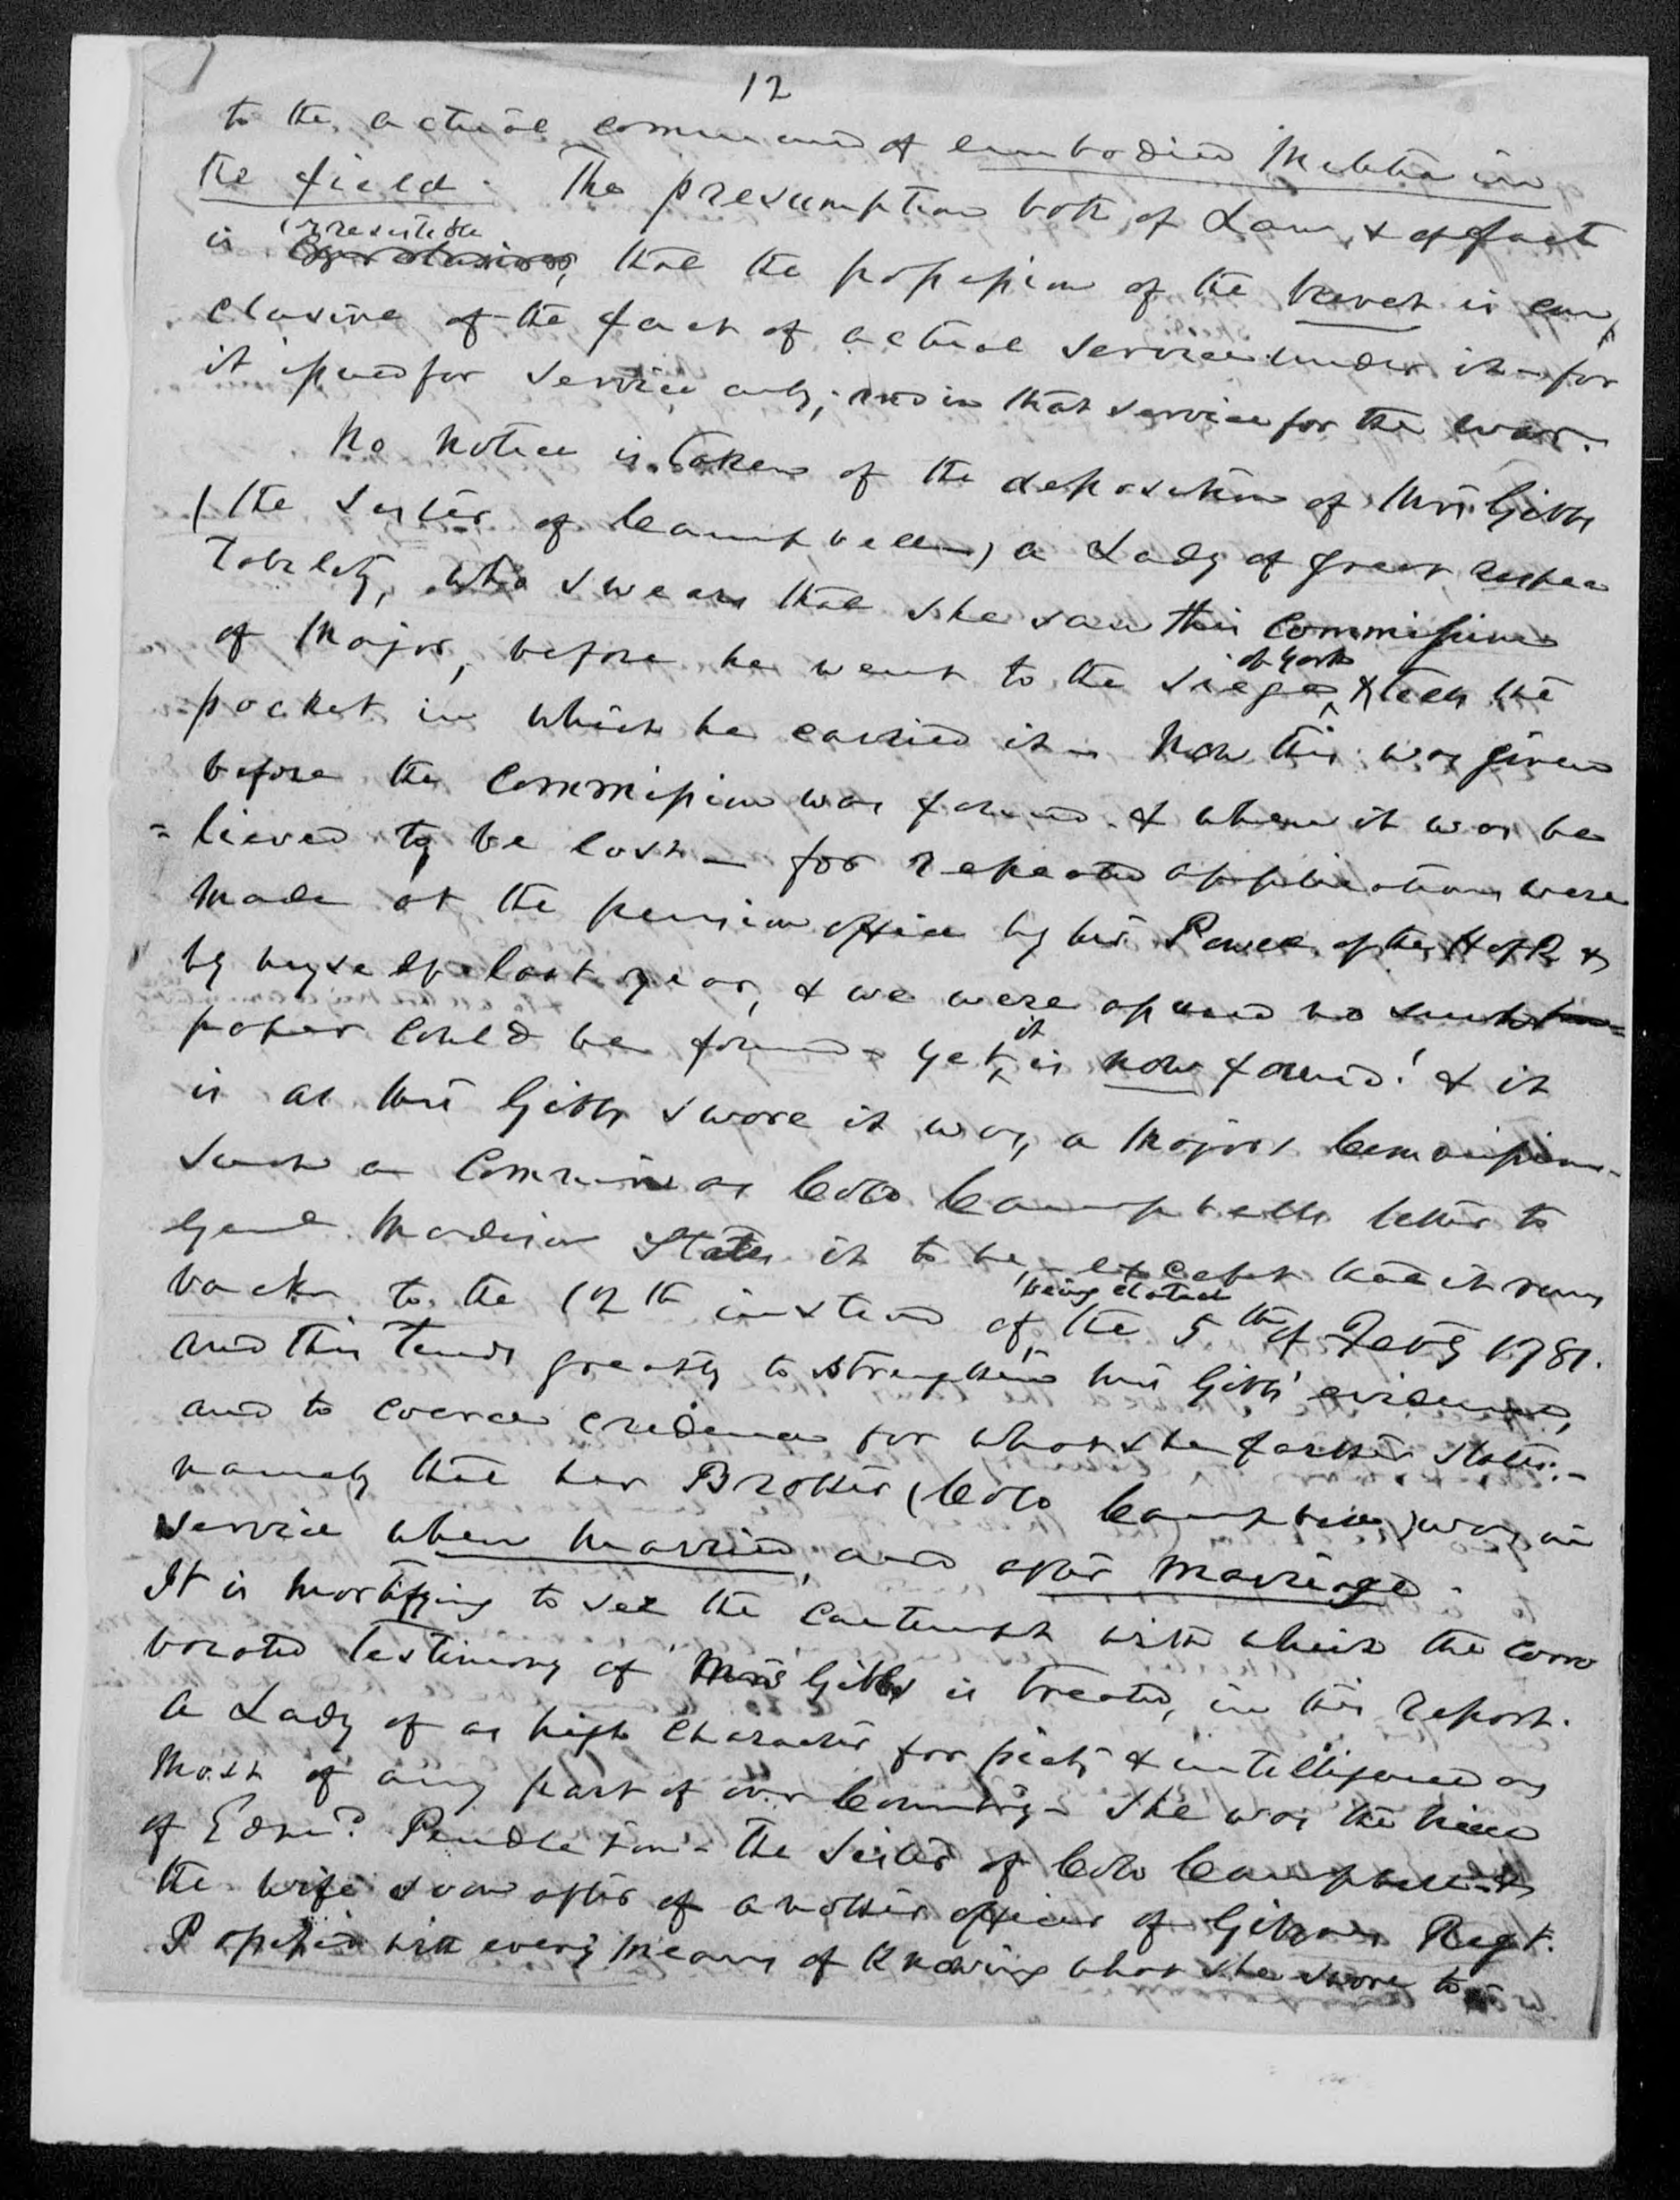12
to the active command of [underline begins] embodied Militia in the field.[underline ends] The presumption both of Law, +[and] effect is [crossed out word not legible] irresistable, that the possession of the brevet [underlined] is conclusive of the fact of active Service under it -- for it is used for Service only; and in that service for the war. tho notice is taken of the depositions of Mrs Gibbs (the sister of Campbells) a Lady of great respectability, who swears that she saw this Commission of Major, before he went to the Siege [insert begins] of York [insert ends] +[and] been the pocket in which he carried it in.  Now this was given before the Commission was formed +[and] where it was believed to be lost __ for repeated applications were made at the pension office by her Power of the H of R +[and] by herself last year, +[and] we were assured no such paper could be found +[and] yet it is now {underlined] found. ' +[and] it is as Mrs Gibbs swore it was, a Major's Commission Such a Commis'n as Colo. Campbells letter to Genl Madison States it to be except that it runs back to the 12th instead of [insert begins] being dated [end insert] the 5th  of Feby. 1781. and this tends greatly to strengthen Mrs Gibbs' evidence, and to coerce credence for what she further States: namely that her Brother (Colo Campbell) was in service when married [last two words underlined], and after marriage [last two words underlined]. It is mortifying to see the contempt with which the corroborating Testimony of Mrs Gibbs is treated , in this Report. A Lady of as high character for piety +[and] intelligence as Most of any part of our Country -- She was the niece of Edm'd. Pendleton's -- the Sister of Colo Campbell +[and] the wife soon after of another officer of Gibson's Regt. possessed with every means of knowing what she swore to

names: Gibbs, Campbell, Madison, Gibbs, Gibbs, Campbell, Gibbs, Campbell, Campbell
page: 234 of 267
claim: widow's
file: W. 4,149, William Campbell, Va.